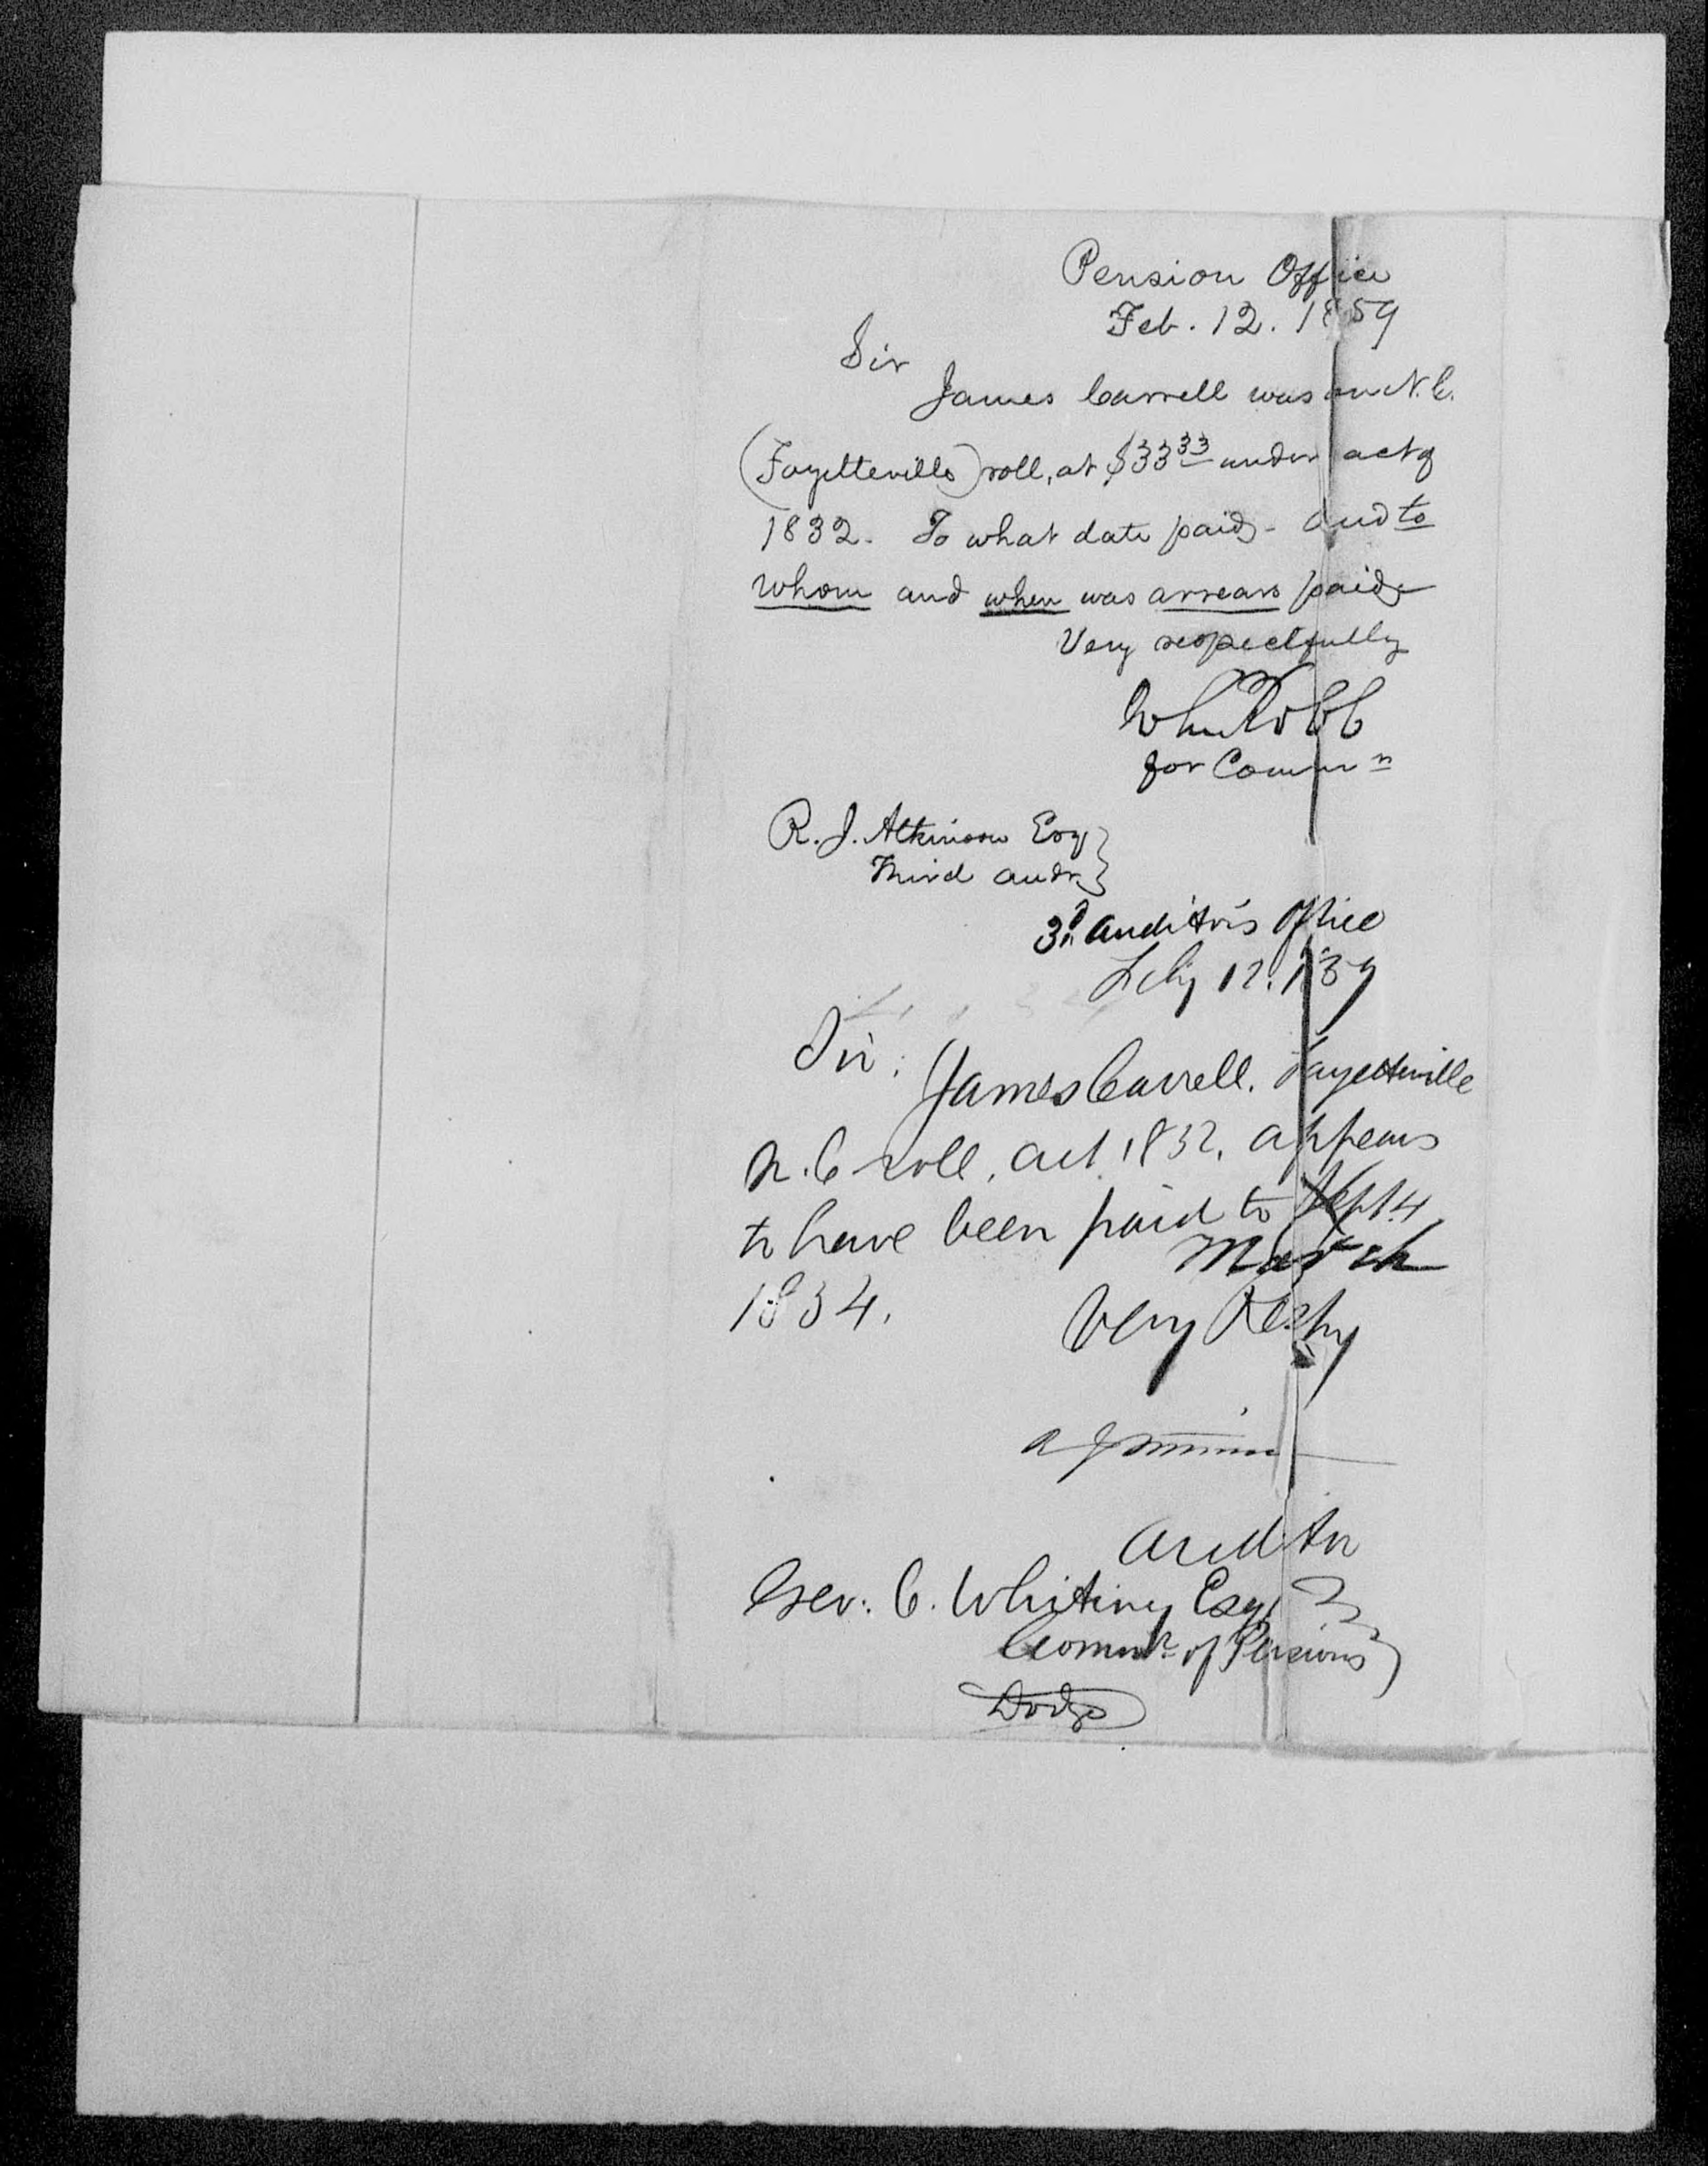Pension Office
Feb 12. 1859

Sir
James Carrell was on N.C.
(Fayetteville) roll at $33.33 under act of
1832. To what date paid due to 
whom and when was arrears paid
Very Respectfully
John Robb
for [illegible]

R.J. Atkinson Esq
Third Audr

3rd Auditor's office
Jly 12, 183[illegible]

In: James Carrell Fayetteville
N.C. Roll, act 1832, appears to 
have been paid to March 4th 1834.
Very Respy
[illegible]

[illegible]
Geo C. Whiting Esq
Commr of Pensions
Dodge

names: John Robb, Geo C Whiting, James Carrell, Dodge, James Carrell, R J Atkinson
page: 74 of 86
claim: widow's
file: W. 6899, James Carrell, N.C.